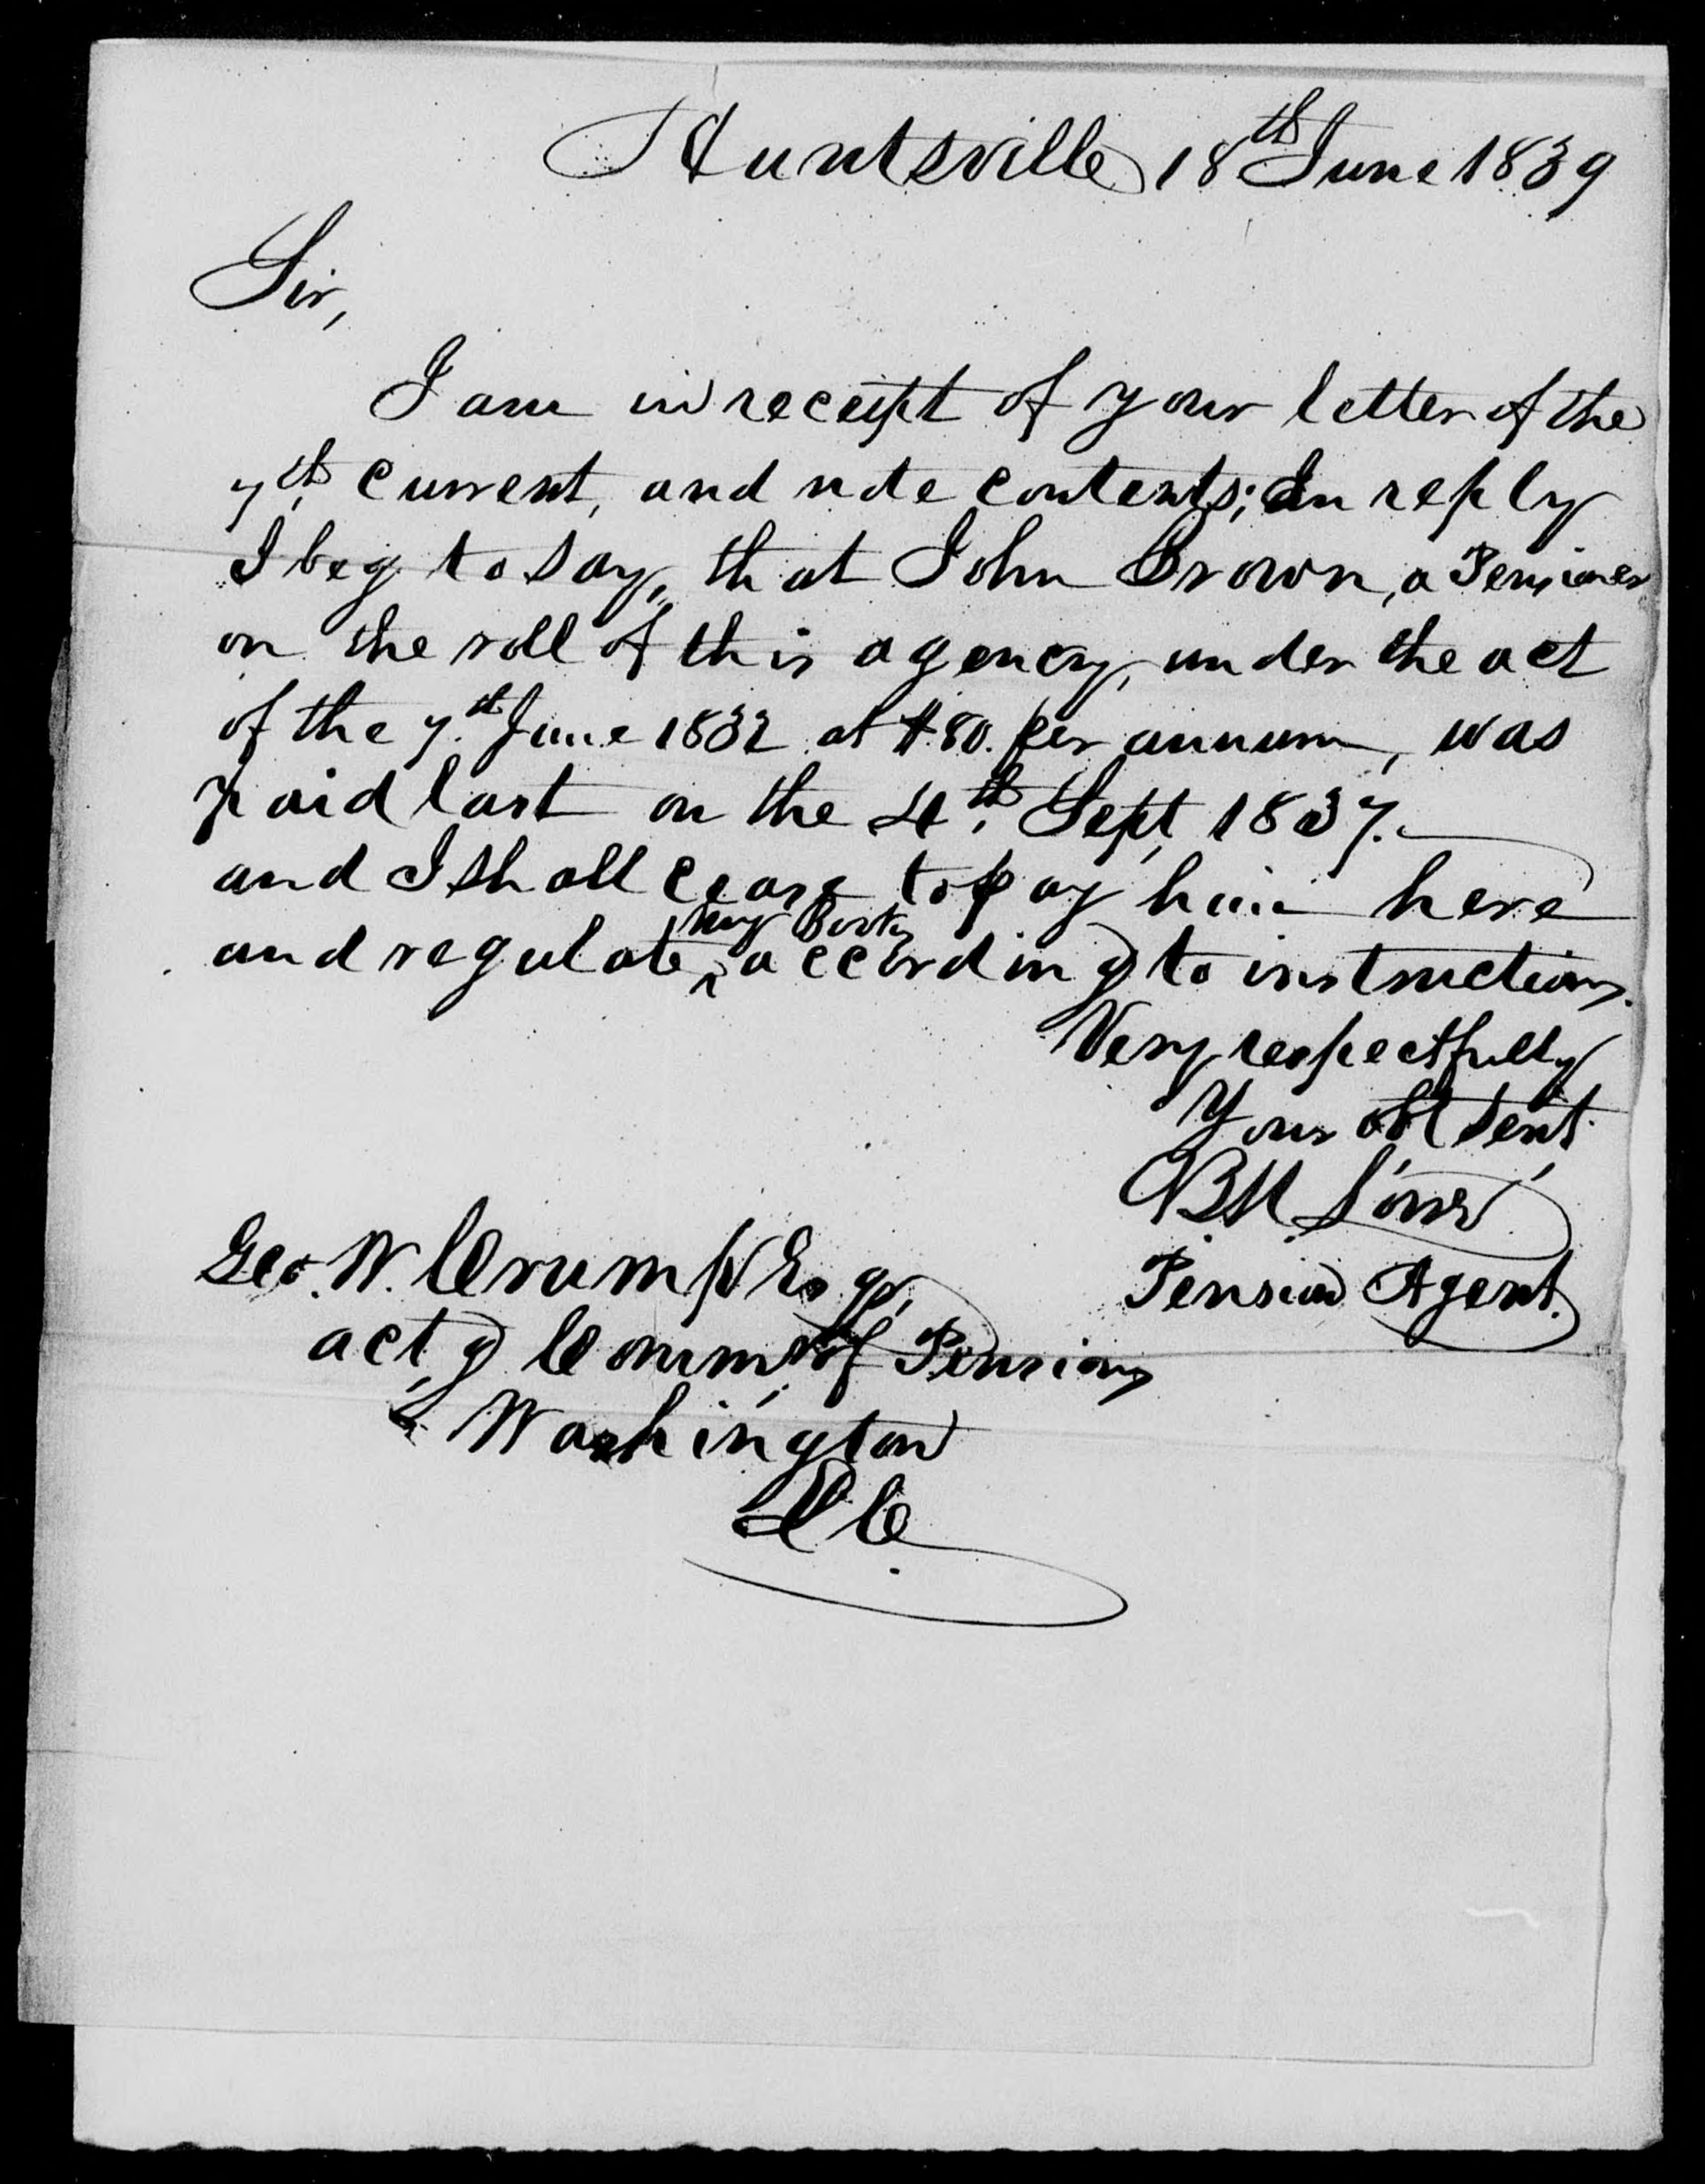Huntsville 18th June 1839
Sir,
I am in receipt of your letter of the
7th current, and note contents; In reply
I beg to say, that John Brown, a pensioner
on the roll of this agency, under the act
of the 7th June 1832 at $80 per annum, was
paid last on the 4th Sept 1837.
and I shall cease to pay him here 
and regulate any booty according to instructions.
Very respectfully
yours aft sent
B.M Lowe
Pension Agent

Geo. W. Crump Esq
Acting Comms of Pensions
Washington D.C.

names: Geo W Crump, B M Lowe, John Brown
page: 79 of 85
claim: widow's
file: W. 5,906, John Brown, S.C.